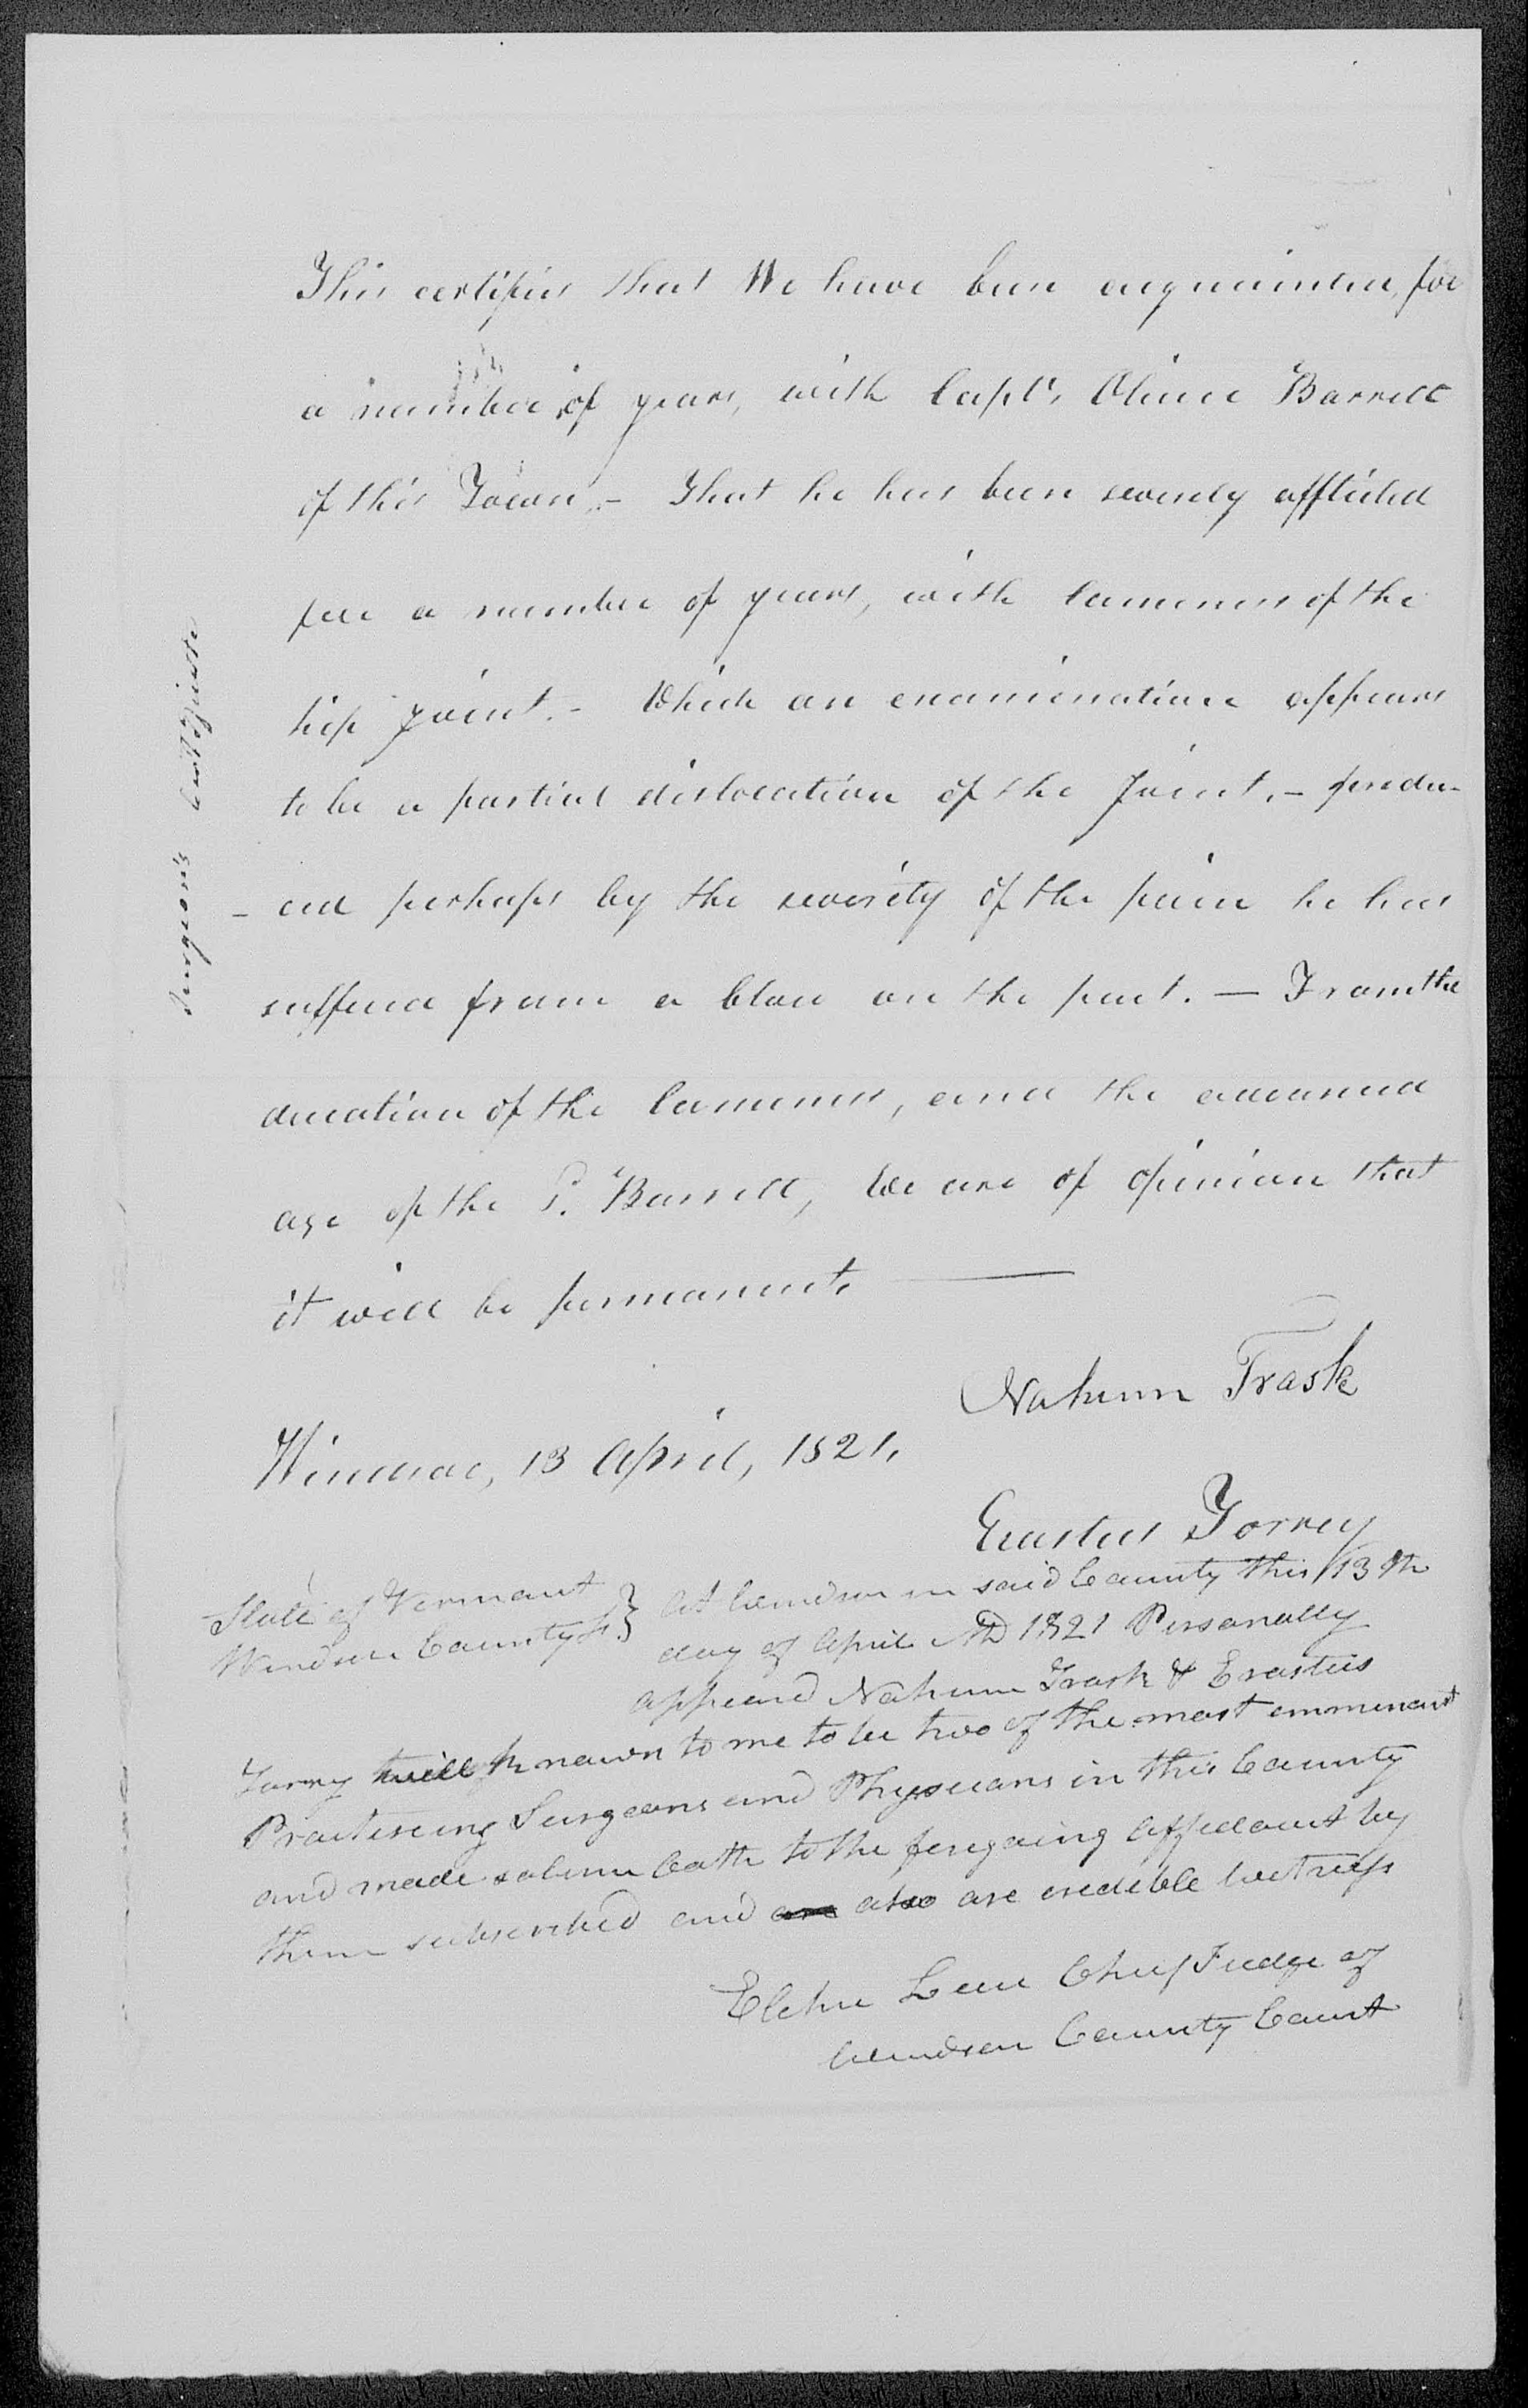This certifies that we have been acquainted for a number of years with Capt. Oliver Barrett of this town. That he has been severely afflicted for a number of year with lameness of the hip joint. Which an examination appears to be a partial dislocation of the joint- gendered perhaps by the severity of the pain he has suffered from a blan on the part. From the duration of the lameness, and the advanced age of the O Barrett, we are of opinion that it will be permanent. 
Nahum Frask
Erastus Torney
Windsor, 13 April, 1821

State of Vermont
Windsor County ss} At Windsor in said County this 13th day of April AD 1821 personally appeared Nahum Frask and Erastus Torney well known to me to be two of the most eminent practicing surgeons and physicians in this county and made above oath to the foregoing affidavit by them subscribed and also are credible witnesses.
Elihu Luce Cheif Judge of
Windsor County Court 

Surgeon's Certificate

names: Elihu Luce, Erastus Torney, Oliver Barrett, Nahum Trask, Nahum Trask, Erastus Torny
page: 29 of 83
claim: widow's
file: W. 10,384, Oliver Barrett, Continental (Vt.) N.Y.